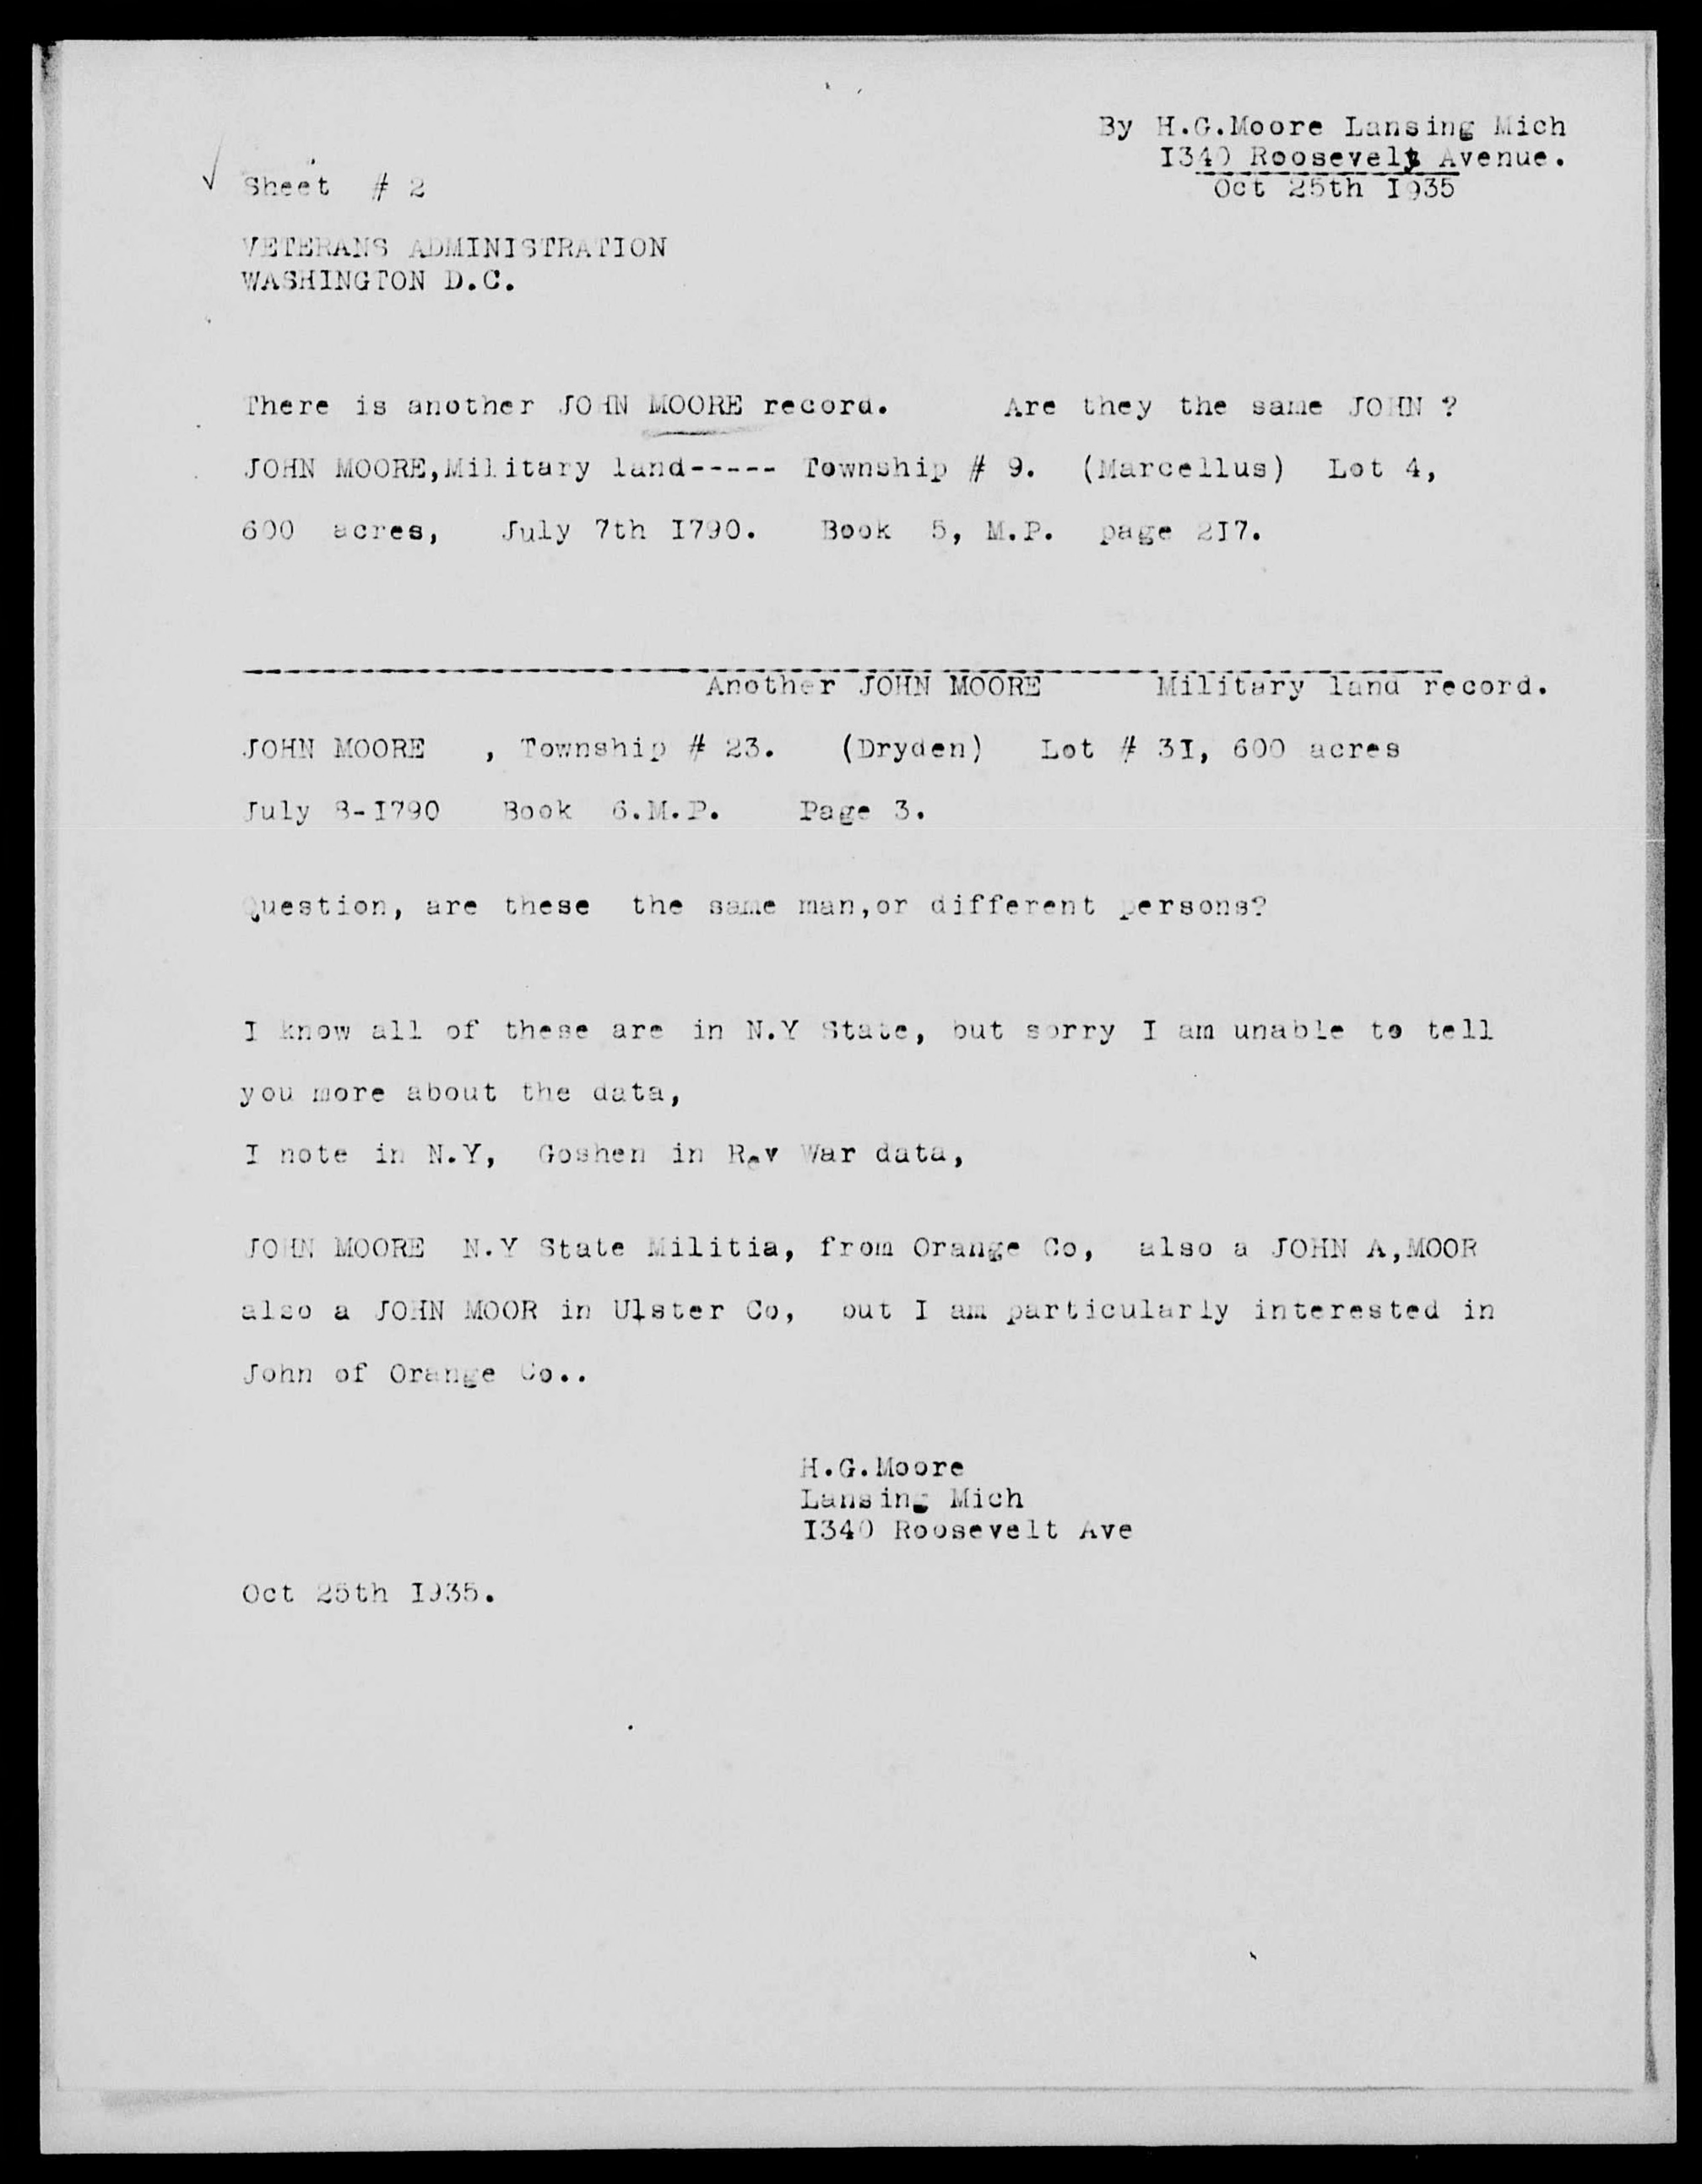By H. G. Moore Lansing Mich
1340 Roosevelt Avenue. 
Oct 25th 1935 
Sheet # 2 
VETERANS ADMINISTRATION 
WASHINGTON D.C. 
There is another JOHN MOORE record. Are they the same JOHN? JOHN MOORE, Military land---Township #9. Lot 4, 600 acres, July 7th 1790. Book 5, M.P. page 217. 
Another JOHN MOORE Military land record. 
JOHN MOORE, Township #23. ( Dryden ) Lot # 31, 600 acres 
July 8-1790 Book 6. M. P. Page 3. 
question, are these the same man, or different persons? 
I know all of these are in N. Y State, but sorry I am unable to tell you more about the data, I note in N. Y, Goshen in Rev War data, 
JOHN MOORE N. Y State Militia, from Orange Co, also a JOHN A. MOOR also a JOHN MOOR in Ulster Co, out I am particularly interested in John of Orange Co. 
H. G. Moore 
Lansing, Mich 
1340 Roosevelt Ave 
Oct 25th 1935.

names: John A Moor; H G Moore; John Moore; John Moor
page: 14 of 15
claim: survivor's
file: S. 43029, for John Moore, New York